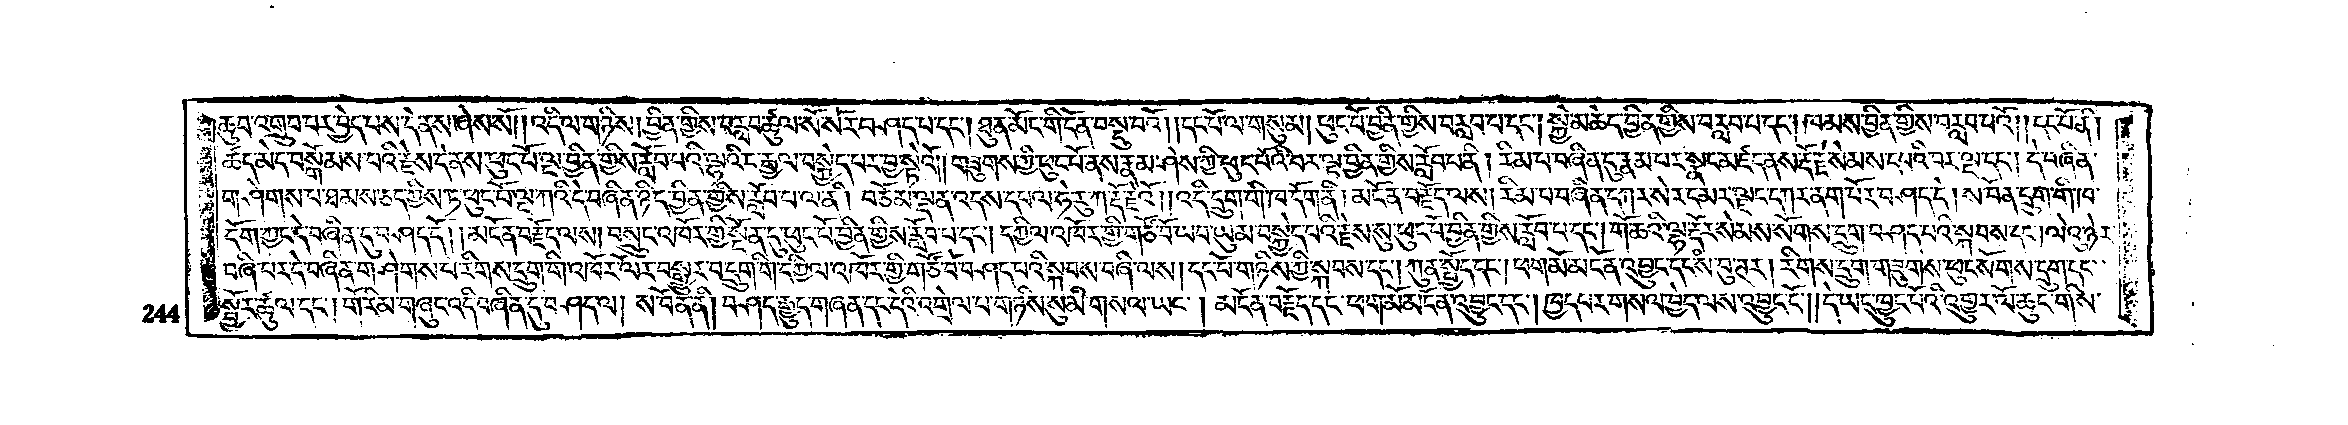ཆུབ་འགྲུབ་པར་བྱེད་པས་དེ་ནས་ཞེས་སོ། །འདི་ལ་གཉིས། བྱིན་གྱིས་བརླབ་ཚུལ་སོ་སོར་བཤད་པ་དང་། ཐུན་མོང་གི་དོན་བསྡུ་བའོ། །དང་པོ་ལ་གསུམ། ཕུང་པོ་བྱིན་གྱིས་བརླབ་པ་དང་། སྐྱེ་མཆེད་བྱིན་གྱིས་བརླབ་པ་དང་། ཁམས་བྱིན་གྱིས་བརླབ་པའོ། །དང་པོ་ནི།
ཚད་མེད་བསྒོམས་པའི་རྗེས་དེ་ནས་ཕུང་པོ་ལྔ་བྱིན་གྱིས་རློབ་པའི་ལྷའི་ང་རྒྱལ་བསྐྱེད་པར་བྱ་སྟེའོ། །གཟུགས་ཀྱི་ཕུང་པོ་ནས་རྣམ་ཤེས་ཀྱི་ཕུང་པོའི་བར་ལྔ་བྱིན་གྱིས་རློབ་པ་ནི། རིམ་པ་བཞིན་དུ་རྣམ་པར་སྣང་མཛད་ནས་རྡོ་རྗེ་སེམས་དཔའི་བར་ལྔ་དང་། དེ་བཞིན་
གཤེགས་པ་ཐམས་ཅད་ཀྱིས་ཏེ་ཕུང་པོ་ལྔ་ཀའི་དེ་བཞིན་ཉིད་བྱིན་གྱིས་རློབ་པ་ལ་ནི། བཅོམ་ལྡན་འདས་དཔལ་ཧེ་རུ་ཀ་རྡོ་རྗེའོ། །འདི་དྲུག་གི་ཁ་དོག་ནི། མངོན་བརྗོད་ལས། རིམ་པ་བཞིན་དཀར་སེར་དམར་ལྗང་དཀར་ནག་པོར་བཤད་དེ། ས་བོན་དྲུག་གི་ཁ་
དོག་ཀྱང་དེ་བཞིན་དུ་བཤད་དོ། །མངོན་བརྗོད་ལས། བསྲུང་འཁོར་གྱི་སྔོན་དུ་ཕུང་པོ་བྱིན་གྱིས་རློབ་པ་དང་། དཀྱིལ་འཁོར་གྱི་གཙོ་བོ་ཡབ་ཡུམ་བསྐྱེད་པའི་རྗེས་སུ་ཕུང་པོ་བྱིན་གྱིས་རློབ་པ་དང་། གོ་ཆའི་ལྷ་རྡོར་སེམས་སོགས་དྲུག་བཤད་པའི་སྐབས་དང་། ལེའུ་ཉེར་
བཞི་པར་དེ་བཞིན་གཤེགས་པ་རིགས་དྲུག་གི་འཁོར་ལོར་བསྒྱུར་པ་དྲུག་གི་དཀྱིལ་འཁོར་གྱི་གཙོ་བོ་བཤད་པའི་སྐབས་བཞི་ལས། དང་པོ་གཉིས་ཀྱི་སྐབས་དང་། ཀུན་སྤྱོད་དང་། ཕག་མོ་མངོན་འབྱུང་དང་སཾ་བུ་ཊར། རིགས་དྲུག་གཟུགས་ཕུང་སོགས་དྲུག་དང་
སྦྱོར་ཚུལ་དང་། གོ་རིམ་གཞུང་འདི་བཞིན་དུ་བཤད་ལ། ས་བོན་ནི། བཤད་རྒྱུད་གཞན་དང་དེའི་འགྲེལ་པ་གཉིས་སུ་མི་གསལ་ཡང་། མངོན་བརྗོད་དང་ཕག་མོ་མངོན་འབྱུང་དང་། ཁྱད་པར་གསལ་བྱེད་ལས་འབྱུང་ངོ། །དེ་ཡང་ཁྱུང་པོའི་འགྱུར་ལོ་ཆུང་གིས་